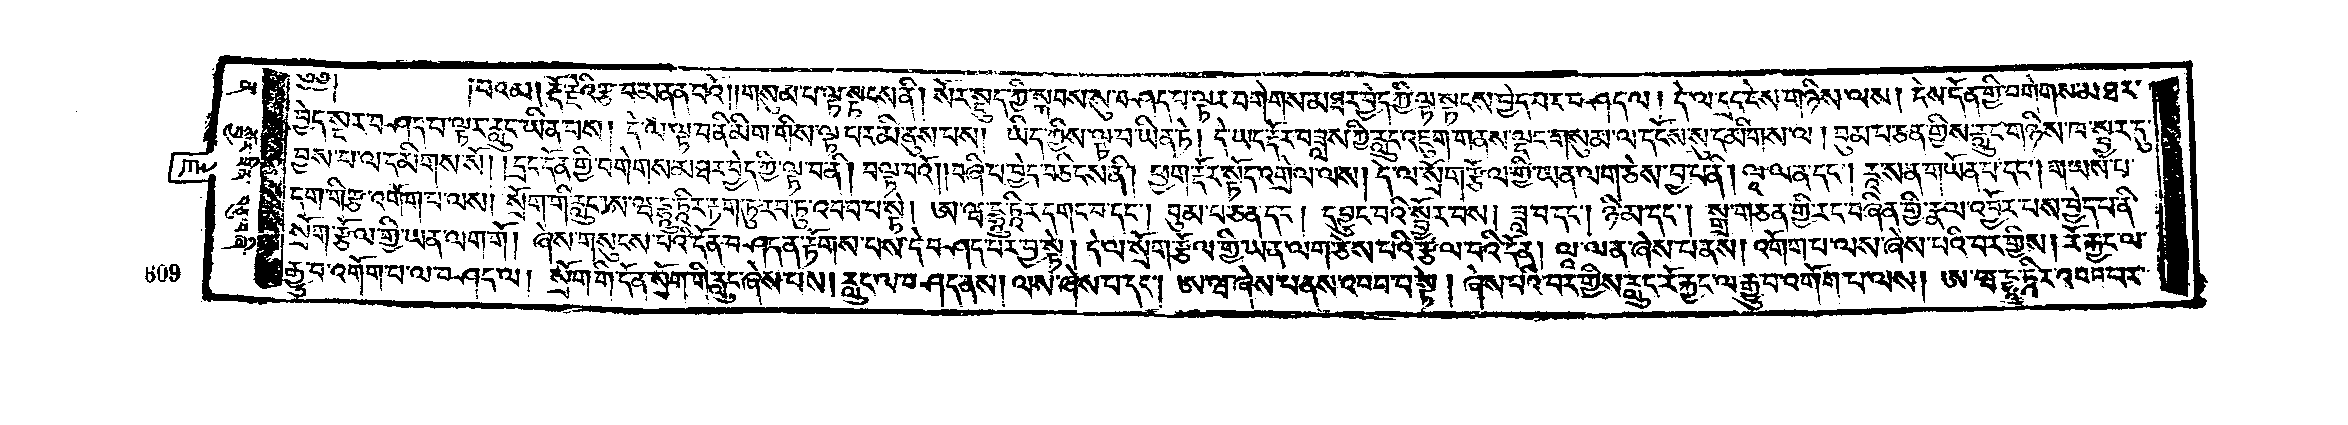༄༅། །པའམ། རྡོ་རྗེའི་རྩ་བ་མནན་པའོ། །གསུམ་པ་ལྟ་སྟངས་ནི། སོར་སྡུད་ཀྱི་སྐབས་སུ་བཤད་པ་ལྟར་བགེགས་མཐར་བྱེད་ཀྱི་ལྟ་སྟངས་བྱེད་པར་བཤད་ལ། དེ་ལ་དྲང་ངེས་གཉིས་ལས། ངེས་དོན་གྱི་བགེགས་མཐར་
བྱེད་སྔར་བཤད་པ་ལྟར་རླུང་ཡིན་པས། དེ་ལ་ལྟ་བ་ནི་མིག་གིས་ལྟ་བར་མི་ནུས་པས། ཡིད་ཀྱིས་ལྟ་བ་ཡིན་ཏེ། དེ་ཡང་རྡོར་བཟླས་ཀྱི་རླུང་འཇུག་གནས་ལྡང་གསུམ་ལ་དངོས་སུ་དམིགས་ལ། བུམ་པ་ཅན་གྱིས་རླུང་གཉིས་ཁ་སྦྱར་དུ་
བྱས་པ་ལ་དམིགས་སོ། །དྲང་དོན་གྱི་བགེགས་མཐར་བྱེད་ཀྱི་ལྟ་བ་ནི། བལྟ་བའོ། །བཞི་པ་བྱེད་བཅིངས་ནི། ཕྱག་རྡོར་སྟོད་འགྲེལ་ལས། དེ་ལ་སྲོག་རྩོལ་གྱི་ཡན་ལག་ཅེས་བྱ་པ་ནི། ལཱ་ལ་ན་དང་། རཱ་ས་ན་གཡོན་པ་དང་། གཡས་པ་
དག་གི་རྩ་འགོག་པ་ལས། སྲོག་གི་རླུང་ཨ་ཝ་དྷཱུ་ཏཱིར་རྟག་ཏུ་རབ་ཏུ་འབབ་པ་སྟེ། ཨ་ཝ་དྷཱུ་ཏཱིར་དགང་བ་དང་། བུམ་པ་ཅན་དང་། དབྱུང་བའི་སྦྱོར་བས། ཟླ་བ་དང་། ཉི་མ་དང་། སྒྲ་གཅན་གྱི་རང་བཞིན་གྱི་རྣལ་འབྱོར་པས་བྱེད་པ་ནི་
སྲོག་རྩོལ་གྱི་ཡན་ལག་གོ །ཞེས་གསུངས་པའི་དོན་བཤད་ན་རྟོགས་པས་དེ་བཤད་པར་བྱ་སྟེ། དེ་ལ་སྲོག་རྩོལ་གྱི་ཡན་ལག་ཅེས་པའི་རྩོལ་བའི་དོན། ལཱ་ལ་ན་ཞེས་པ་ནས། འགོག་པ་ལས་ཞེས་པའི་བར་གྱིས། རོ་རྐྱང་ལ་
རྒྱུ་བ་འགོག་པ་ལ་བཤད་ལ། སྲོག་གི་དོན་སྲོག་གི་རླུང་ཞེས་པས། རླུང་ལ་བཤད་ནས། ལས་ཞེས་པ་དང་། ཨ་ཝ་ཞེས་པ་ནས་འབབ་པ་སྟེ། ཞེས་པའི་བར་གྱིས་རླུང་རོ་རྐྱང་ལ་རྒྱུ་བ་འགོག་པ་ལས། ཨ་ཝ་དྷཱུ་ཏཱིར་འབབ་པར་